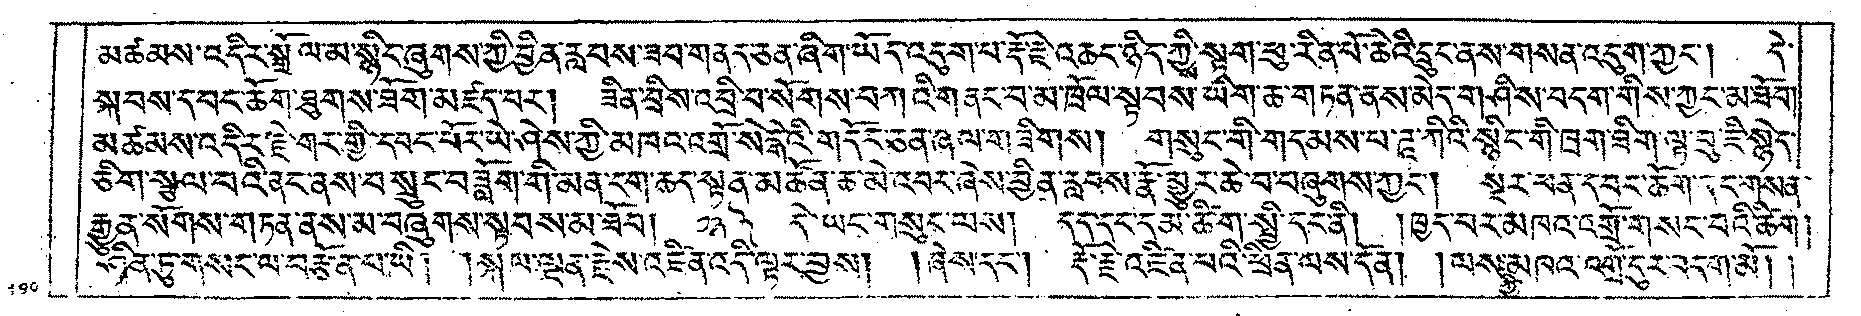མཚམས་འདིར་སྒྲོལ་མ་སྙིང་ཞུགས་ཀྱི་བྱིན་རླབས་ཟབ་གནད་ཅན་ཞིག་ཡོད་འདུག་པ་རྡོ་རྗེ་འཆང་ཉིད་ཀྱིས་སྟག་ཕུ་རིན་པོ་ཆེའི་དྲུང་ནས་གསན་འདུག་ཀྱང་། དེ་
སྐབས་དབང་ཆོག་ཐུགས་ཐོག་མཛད་པར། ཟིན་བྲིས་འབྲི་བ་སོགས་བཀའི་གནང་བ་མ་ཁྲོལ་སྟབས་ཡིག་ཆ་གཏན་ནས་མེད་གཤིས་བདག་གིས་ཀྱང་མ་ཐོབ།
མཚམས་འདིར་རྗེ་གར་གྱི་དབང་པོར་ཡེ་ཤེས་ཀྱི་མཁའ་འགྲོ་སེངྒེའི་གདོང་ཅན་ཞལ་གཟིགས། གསུང་གི་གདམས་པ་ཌཱ་ཀིའི་སྙིང་གི་ཁྲག་ཐིག་ལྟ་བུ་ཇི་སྙེད་
ཅིག་སྩལ་བའི་ནང་ནས་བསྲུང་བཟློག་གི་མན་ངག་ཆད་སྟན་མཚོན་ཆ་མེ་འབར་ཞེས་བྱིན་རླབས་རྣོ་མྱུར་ཆེ་བ་བཞུགས་ཀྱང་། སྔར་ཕན་དབང་ཆོག་དང་གསན་
རྒྱུན་སོགས་གཏན་ནས་མ་བཞུགས་སྟབས་མ་ཐོབ། ༡༢}་དེ་ཡང་གསུང་ལས། དད་དང་དམ་ཚིག་སྤྱི་དང་ནི། །ཁྱད་པར་མཁའ་འགྲོ་གསང་བའི་ཚིག །
ཤིན་ཏུ་གསང་ལ་བརྩོན་པ་ཡི། །སྐལ་ལྡན་རྗེས་འཛིན་འདི་ལྟར་བྱས། །ཞེས་དང་། རྡོ་རྗེ་འཛིན་པའི་ཕྲིན་ལས་དོན། །ལས་ཀྱི་མཁའ་འགྲོ་དུར་བདག་མོ། །